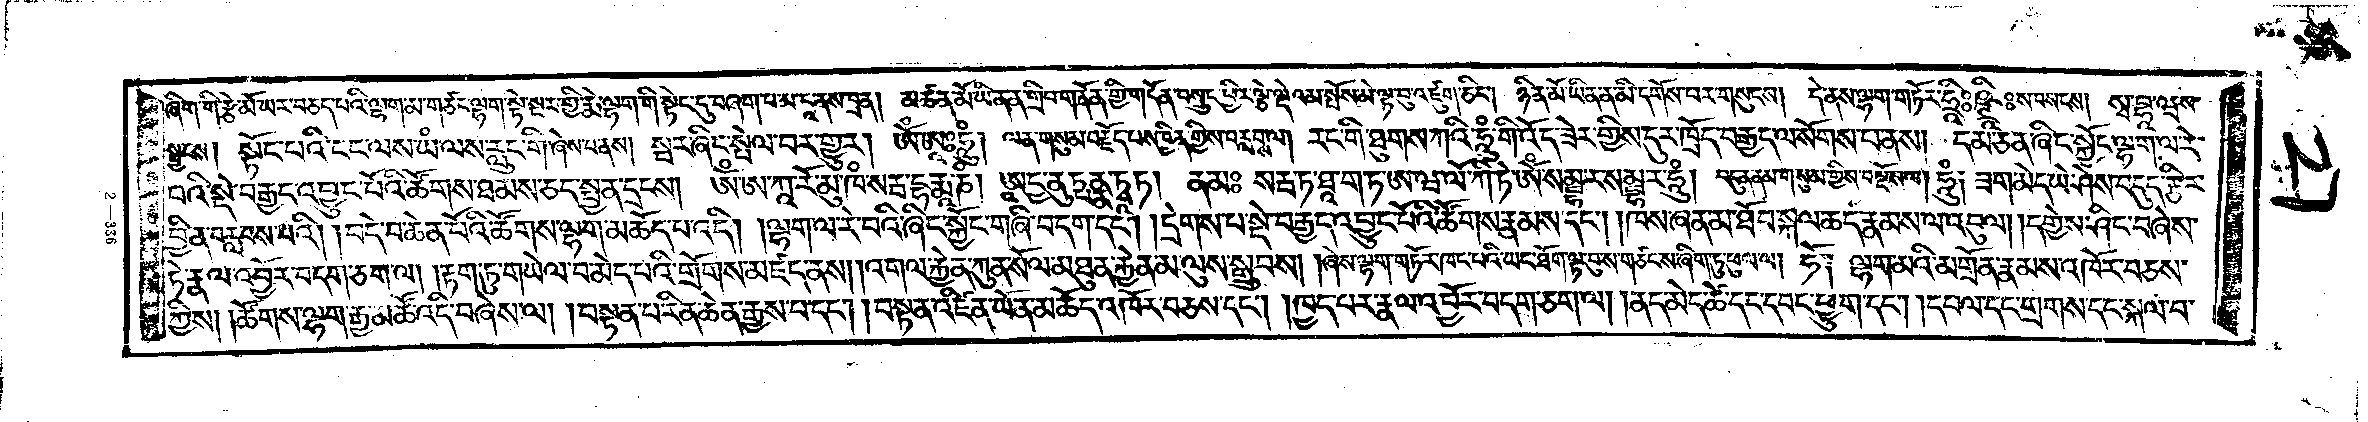ཞིག་གི་རྩེ་མོ་ཡར་བཅད་པའི་ལྷག་མ་གཙང་ལྷག་སྟེ་སྔར་གྱི་རྨེ་ལྷག་གི་སྟེང་དུ་བཞག་པ་མ་དཱ་ནས་བྲན། མཚན་མོ་ཡིན་ན་གྲིབ་གནོན་གྱི་གདོན་བསྲུང་ཕྱིར་ལྕེ་ལྡེའམ་སྤོས་མེ་ལྟ་བུ་འཛུག་ཅིང་། ཉིན་མོ་ཡིན་ན་མི་དགོས་པར་གསུངས། དེ་ནས་ལྷག་གཏོར་ཧྲཱིཿཥྚྲཱིཿ ས་བསངས། སྭ་བྷཱ་ཝས་
སྦྱངས།  སྟོང་པའི་ངང་ལས་ཡཾ་ལས་རླུང་གི་ཞེས་པ་ནས། སྦར་ཞིང་སྤེལ་བར་གྱུར། ཨོཾ་ཨཱཿཧཱུཾ། ལན་གསུམ་བརྗོད་པས་བྱིན་གྱིས་བརླབས་ལ།  རང་གི་ཐུགས་ཀའི་ཧཱུཾ་གི་འོད་ཟེར་གྱིས་དུར་ཁྲོད་བརྒྱད་ལ་སོགས་པ་ནས། དམ་ཅན་ཞིང་སྐྱོང་ལྷག་ལ་རེ་
བའི་སྡེ་བརྒྱད་འབྱུང་པོའི་ཚོགས་ཐམས་ཅད་སྤྱན་དྲངས། ཨོཾ་ཨ་ཀཱ་རོ་མུ་ཁཾ་སརྦ་དྷ་རྨཱ་ཎ། ཨཱདྱ་ནུ་ཏྤནྣ་ཏྭ་ཏ། ནམཿ སརྦ་ཏ་ཐཱ་ག་ཏ་ཨ་ཝ་ལོ་ཀི་ཏེ་ཨོཾ་སམྦྷར་ས་མྦྷར་ཧཱུཾ། བདུན་ནམ་གསུམ་གྱིས་བསྔོས་ལ།  ཧཱུཾ༑ ཟག་མེད་ཡེ་ཤེས་བདུད་རྩིར་
བྱིན་བརླབས་པའི། །བདེ་བ་ཆེན་པོའི་ཚོགས་ལྷག་མཆོད་པ་འདི། །ལྷག་ལ་རེ་བའི་ཞིང་སྐྱོང་གཞི་བདག་དང་། །དྲེགས་པ་སྡེ་བརྒྱད་འབྱུང་པོའི་ཚོགས་རྣམས་དང་། །ཁས་ཞན་མ་ཐོབ་སྐལ་ཆད་རྣམས་ལ་འབུལ། །དགྱེས་ཤིང་བཞེས་
ཏེ་རྣལ་འབྱོར་བདག་ཅག་ལ། །རྟག་ཏུ་གཡེལ་བ་མེད་པའི་གྲོགས་མཛད་ནས། །འགལ་རྐྱེན་ཀུན་སོལ་མཐུན་རྐྱེན་མ་ལུས་སྒྲུབས། །ཞེས་ལྷག་གཏོར་ཁང་པའི་ཡང་ཐོག་ལྟ་བུ་ས་གཙང་ས་ཞིག་ཏུ་ཕུལ་ལ།  ཧོ༑ ལྷག་མའི་མགྲོན་རྣམས་འཁོར་བཅས་
ཀྱིས། །ཚོགས་ལྷག་རྒྱ་མཚོ་འདི་བཞེས་ལ། །བསྟན་པ་རིན་ཆེན་རྒྱས་བ་དང་། །བསྟན་འཛིན་ཡོན་མཆོད་འཁོར་བཅས་དང་། །ཁྱད་པར་རྣལ་འབྱོར་བདག་ཅག་ལ། །ནད་མེད་ཚེ་དང་དབང་ཕྱུག་དང་། །དཔལ་དང་གྲགས་དང་སྐལ་བ་